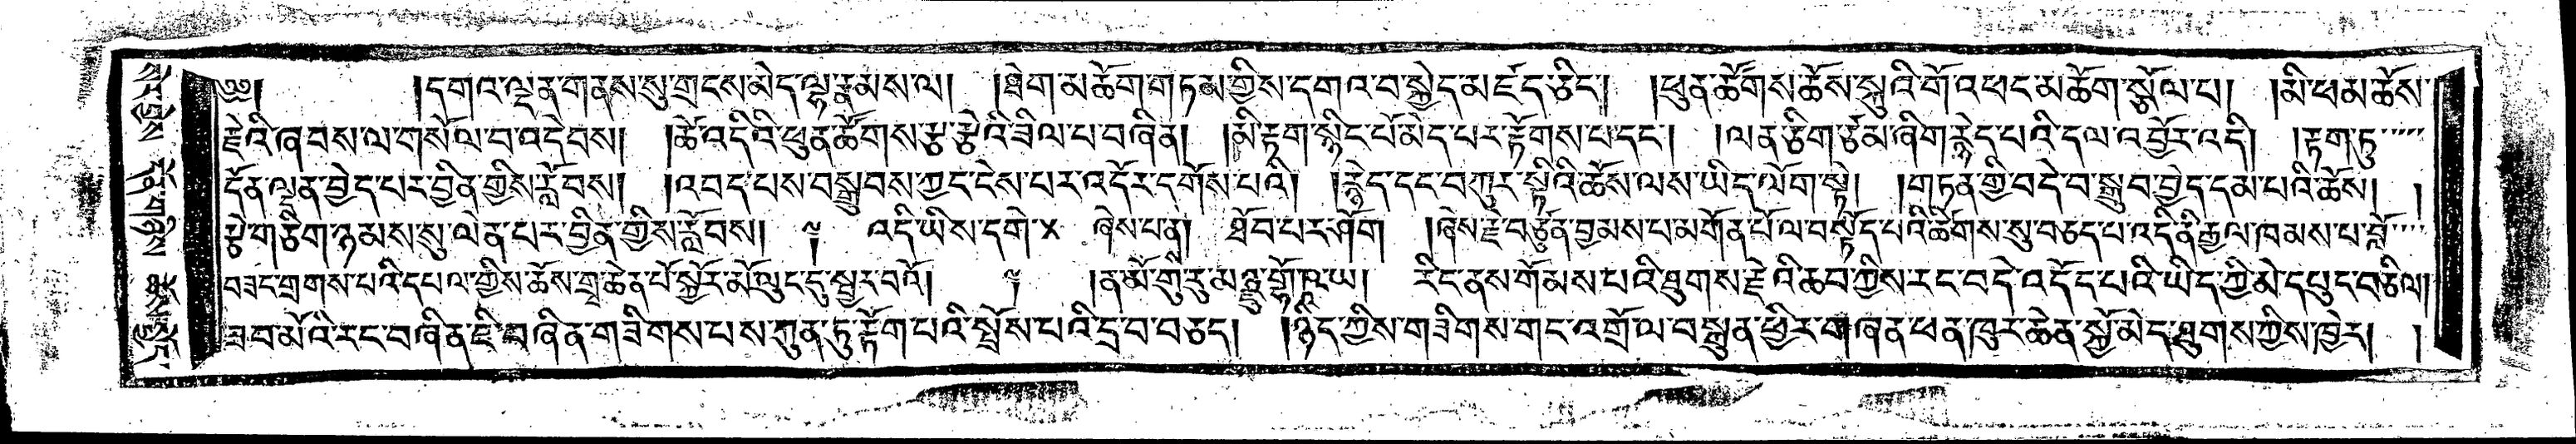༄༅། །དགའ་ལྡན་གནས་སུ་གྲངས་མེད་ལྷ་རྣམས་ལ། །ཐེག་མཆོག་གཏམ་གྱིས་དགའ་བ་སྐྱེད་མཛད་ཅིང་། །ཕུན་ཚོགས་ཆོས་སྐུའི་གོ་འཕང་མཆོག་སྩོལ་པ། །མི་ཕམ་ཆོས་
རྗེའི་ཞབས་ལ་གསོལ་བ་འདེབས། །ཚེ་འདིའི་ཕུན་ཚོགས་རྩ་རྩེའི་ཟིལ་པ་བཞིན། །མི་རྟག་སྙིང་པོ་མེད་པར་རྟོགས་པ་དང་། །ལན་ཅིག་ཙམ་ཞིག་རྙེད་པའི་དལ་འབྱོར་འདི། །རྟག་ཏུ་
དོན་ལྡན་བྱེད་པར་བྱིན་གྱིས་རློབས། །འབད་པས་བསྒྲུབས་ཀྱང་ངེས་པར་འདོར་དགོས་པའི། །རྙེད་དང་བཀུར་སྟིའི་ཆོས་ལས་ཡིད་ལོག་སྟེ། །གཏན་གྱི་བདེ་བ་སྒྲུབ་བྱེད་དམ་པའི་ཆོས། །
རྩེ་གཅིག་ཉམས་སུ་ལེན་པར་བྱིན་གྱིས་རློབས། ༈ འདི་ཡིས་དགེ་{྾}་ཞེས་པ་ནས། ཐོབ་པར་ཤོག །ཞེས་རྗེ་བཙུན་བྱམས་པ་མགོན་པོ་ལ་བསྟོད་པའི་ཚིགས་སུ་བཅད་པ་འདི་ནི་རྒྱལ་ཁམས་པ་བློ་
བཟང་གྲགས་པའི་དཔལ་གྱིས་ཆོས་གྲྭ་ཆེན་པོ་སྐྱོར་མོ་ལུང་དུ་སྦྱར་བའོ། ༈ །ན་མོ་གུ་རུ་མཉྫུ་གྷོ་ཥཱ་ཡ། རིང་ནས་གོམས་པའི་ཐུགས་རྗེའི་ཆབ་ཀྱིས་རང་བདེ་འདོད་པའི་ཡིད་ཀྱི་མེ་དཔུང་བཅིལ།
ཟབ་མོའི་རང་བཞིན་ཇི་བཞིན་གཟིགས་པས་ཀུན་ཏུ་རྟོག་པའི་སྤྲོས་པའི་དྲ་བ་བཅད། །ཉིད་ཀྱིས་གཟིགས་གང་འགྲོ་ལ་བསྐྲུན་ཕྱིར་གཞན་ཕན་ཁུར་ཆེན་སྐྱོ་མེད་ཐུགས་ཀྱིས་ཁྱེར། །